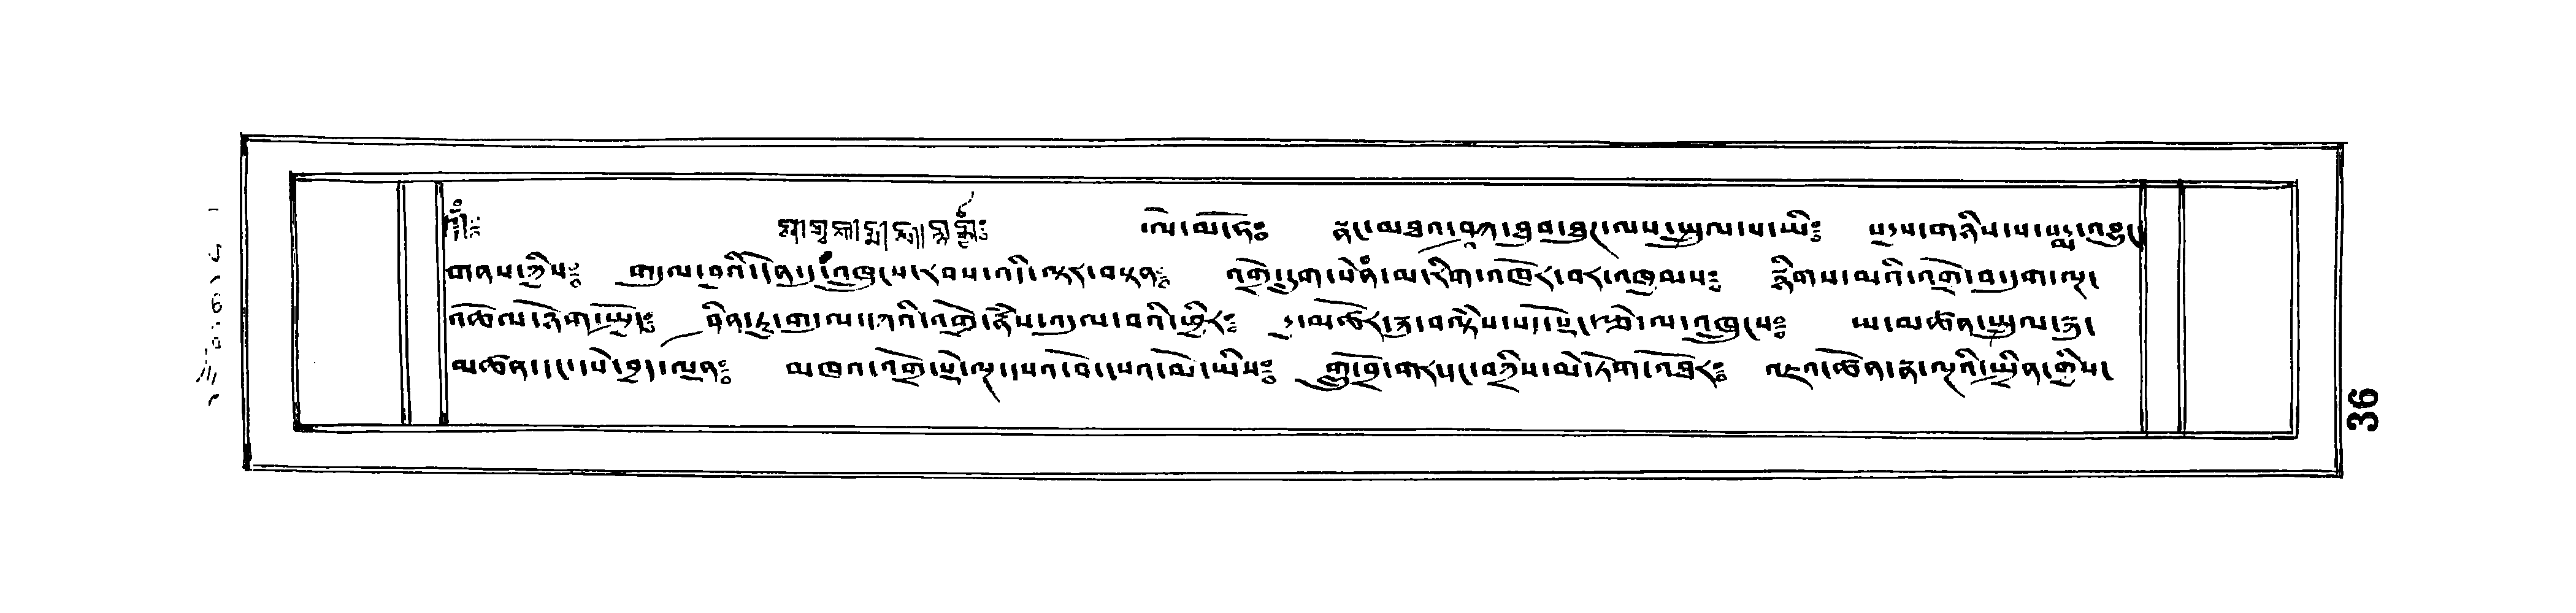ཨེ་མ་ཧོ༔ སྣང་མཐའ་ཤཱཀྱ་ཐུབ་ཐུགས་ལས་སྤྲུལ་པ་ཡི༔ སངས་རྒྱས་གཉིས་པ་པདྨ་འབྱུང་
གནས་ཀྱིས༔ གདུལ་བྱའི་དོན་དུ་འཁྲུངས་རབས་འདི་ལྟར་བསྟན༔ འགྲོ་དྲུག་སེམས་ཅན་མ་རིག་འཁོར་བར་འཁྱམས༔ སྙིགས་མའི་འགྲོ་བ་དུག་ལྔ་
འཆོལ་ཉོག་སྤྱོད༔ ཤིན་ཏུ་གདུལ་དཀའི་འགྲོ་རྣམས་འདུལ་བའི་ཕྱིར༔ རྒྱ་མཚོར་སྐུ་བལྟམས་པད་སྡོང་རྩེ་ལ་འཁྲུངས༔ ཡ་མཚན་སྤྲུལ་སྐུ་
མཚན་དང་དཔེ་བྱད་ལྡན༔ མཁའ་འགྲོ་སྡེ་ལྔ་དཔའ་བོ་དཔའ་མོ་ཡིས༔ གླུ་བྲོ་གར་དང་བཀྲ་ཤིས་མེ་ཏོག་འཐོར༔ འཇའ་ཚོན་སྣ་ལྔའི་སྤྲིན་གྱིས་